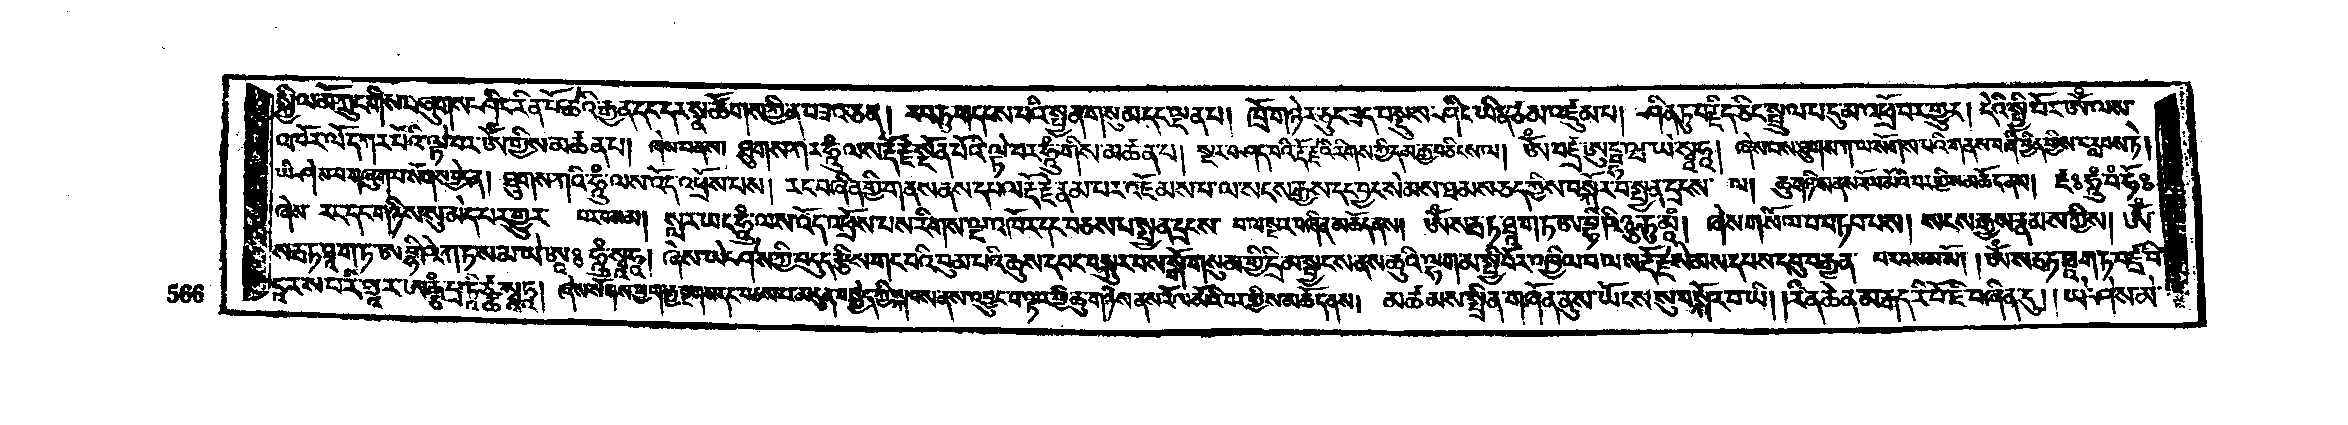སྐྱིལ་མོ་ཀྲུང་གིས་བཞུགས་ཤིང་རིན་པོ་ཆེའི་རྒྱན་དང་དར་སྣ་ཚོགས་ཀྱི་ན་བཟའ་ཅན། རབ་ཏུ་གདངས་པའི་སྤྱན་གསུམ་དང་ལྡན་པ། ཁྲོ་གཉེར་ཅུང་ཟད་བསྡུས་ཤིང་ཡིད་ཙམ་འཛུམ་པ། ཤིན་ཏུ་བརྗིད་ཅིང་སྤྲུལ་པ་དུ་མ་འཕྲོ་བ་གྱུར། དེའི་སྤྱི་བོར་ཨོཾ་ལས་
འཁོར་ལོ་དཀར་པོའི་ལྟེ་བར་ཨོཾ་གྱིས་མཚན་པ། ཞེས་པ་ནས།  ཐུགས་ཀར་ཧཱུཾ་ལས་རྡོ་རྗེའི་སྔོན་པོའི་ལྟེ་བར་ཧཱུཾ་གིས་མཚན་པ། སྔར་བཤད་པའི་རྡོ་རྗེའི་རིགས་ཀྱི་དམ་རྒྱ་བཅིངས་ལ།  ཨོཾ་བཛྲ་ཨུདབྷ་ཝ་ཡེ་སྭཱཧཱ། ཞེས་པས་ཐུགས་ཀ་ལ་སོགས་པའི་གནས་བཞི་བྱིན་གྱིས་བརླབས་ཏེ།
ཡེ་ཤེས་པ་གཞུག་པ་སོགས་བྱེད་ན། ཐུགས་ཀའི་ཧཱུཾ་ལས་འོད་འཕྲོས་པས། རང་བཞིན་གྱི་གནས་ནས་དཔལ་རྡོ་རྗེ་རྣམ་པར་འཇོམས་པ་ལ་སངས་རྒྱས་དང་བྱང་སེམས་ཐམས་ཅད་ཀྱིས་བསྐོར་བ་སྤྱན་དྲངས་ལ། ཆུ་གཉིས་ནས་རོལ་མོའི་བར་གྱིས་མཆོད་ནས།  ཛཿ ཧཱུཾ་བཾ་ཧོཿ
ཞེས་རང་དང་གཉིས་སུ་མེད་པར་གྱུར། པར་བསམ་སླར་ཡང་ཧཱུཾ་ལས་འོད་འཕྲོས་པས་རིགས་ལྔ་འཁོར་དང་བཅས་པ་སྤྱན་དྲངས་པ་ལ་སྔར་བཞིན་མཆོད་ནས།  ཨོཾ་སརྦ་ཏ་ཐཱ་ག་ཏ་ཨ་བྷི་ཤིཉྩ་ཏུ་མཱཾ། ཞེས་གསོལ་བ་བཏབ་པས། སངས་རྒྱས་རྣམས་ཀྱིས། ཨོཾ་
སརྦ་ཏ་ཐཱ་ག་ཏ་ཨ་བྷི་ཤེ་ཀ་ཏ་ས་མ་ཡེ་ཨཱཿ ཧཱུཾ་སྭཱ་ཧཱ། ཞེས་ཡེ་ཤེས་ཀྱི་བདུད་རྩིས་གང་བའི་བུམ་པའི་ཆུས་དབང་བསྐུར་བས་སྒོ་གསུམ་གྱི་དྲི་མ་སྦྱངས་ནས་ཆུའི་ལྷག་མ་སྤྱི་བོར་འཁྱིལ་བ་ལས་རྡོ་རྗེ་སེམས་དཔས་དབུ་བརྒྱན། པར་བསམ་མོ། ། ཨོཾ་སརྦ་ཏ་ཐཱ་ག་ཏ་བཛྲ་བི་
དཱ་ར་ས་པ་རི་ཝཱ་ར་ཨརྒྷཾ་པྲ་ཏཱི་ཙྪ་སྭཱཧཱ། ཞེས་སོགས་ཕྱག་རྒྱ་སྔགས་དང་བཅས་པ་མདུན་བསྐྱེད་ཀྱི་སྐབས་ནས་འབྱུང་བ་ལྟར་གྱི་ཆུ་གཉིས་ནས་རོལ་མོའི་བར་གྱིས་མཆོད་ནས།  མཚམས་སྤྲིན་གཞོན་ནུས་ཡོངས་སུ་བསྐོར་བ་ཡི། །རིན་ཆེན་མ་རྒད་རི་བོ་ཇི་བཞིན་དུ། །ཡེ་ཤེས་མེ་